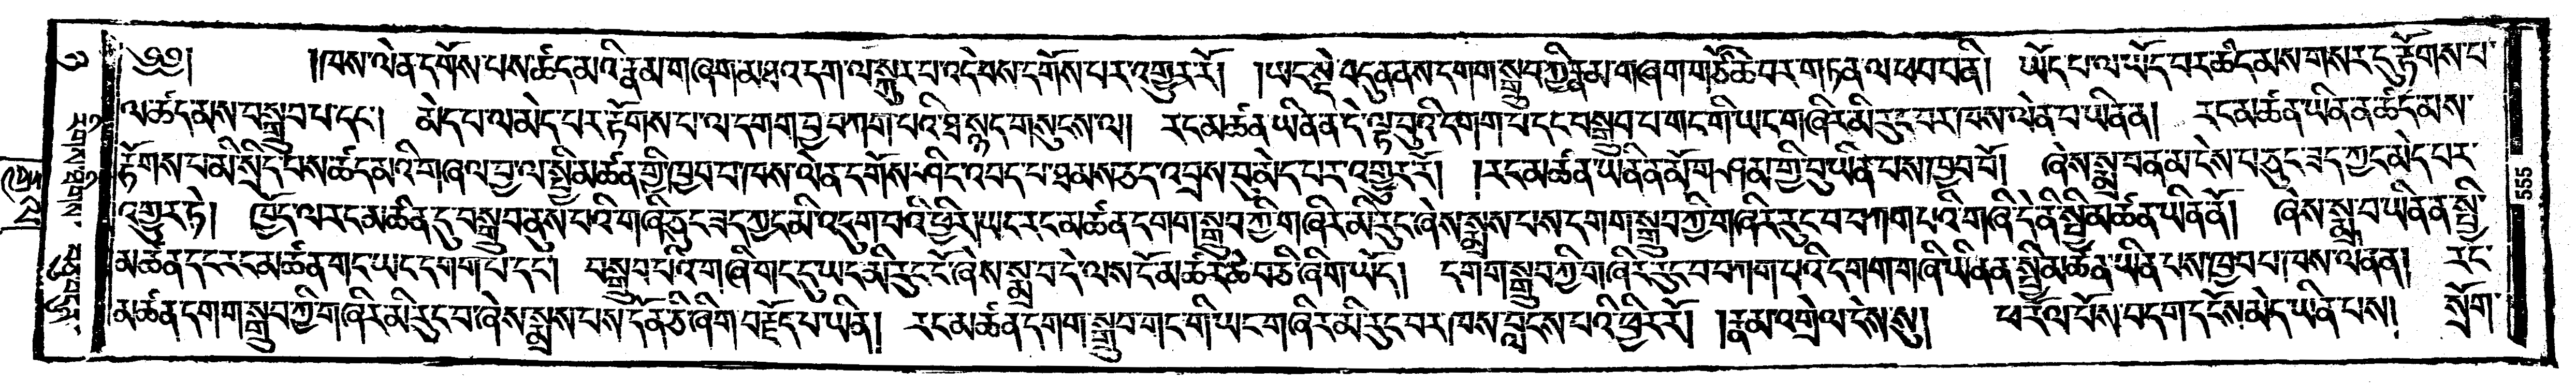༄༅། །ཁས་ལེན་དགོས་པས་ཚད་མའི་རྣམ་གཞག་མཐའ་དག་ལ་སྐུར་པ་འདེབས་དགོས་པར་འགྱུར་རོ། །ཡང་སྡེ་བདུན་ནས་དགག་སྒྲུབ་ཀྱི་རྣམ་གཞག་གཙོ་ཆེ་བར་གཏན་ལ་ཕབ་པ་ནི། ཡོད་པ་ལ་ཡོད་པར་ཚད་མས་གསར་དུ་རྟོགས་པ་
ལ་ཚད་མས་བསྒྲུབ་པ་དང་། མེད་པ་ལ་མེད་པར་རྟོགས་པ་ལ་དགག་བྱ་བཀག་པའི་ཐ་སྙད་གསུངས་ལ། རང་མཚན་ཡིན་ན་དེ་ལྟ་བུའི་དགག་པ་དང་བསྒྲུབ་པ་གང་གི་ཡང་གཞིར་མི་རུང་བར་ཁས་ལེན་པ་ཡིན་ན། རང་མཚན་ཡིན་ན་ཚད་མས་
རྟོགས་པ་མི་སྲིད་པས་ཚད་མའི་གཞལ་བྱ་ལ་སྤྱི་མཚན་གྱི་ཁྱབ་པ་ཁས་ལེན་དགོས་ཤིང་འབད་པ་ཐམས་ཅད་འབྲས་བུ་མེད་པར་འགྱུར་རོ། །རང་མཚན་ཡིན་ན་མོ་གཤམ་གྱི་བུ་ཡིན་པས་ཁྱབ་བོ། ཞེས་སྨྲ་བ་ན་མ་ངེས་པ་བཅུང་ཟད་ཀྱང་མེད་པར་
འགྱུར་ཏེ། ཁྱོད་ལ་རང་མཚན་དུ་བསྒྲུབ་ནུས་པའི་གཞི་ཅུང་ཟད་ཀྱང་མི་འདུག་པའི་ཕྱིར། ཡང་རང་མཚན་དགག་སྒྲུབ་ཀྱི་གཞིར་མི་རུང་ཞེས་སྨྲས་པས་དགག་སྒྲུབ་ཀྱི་གཞིར་རུང་བ་བཀག་པའི་གཞི་དེ་ནི་སྤྱི་མཚན་ཡིན་ནོ། ཞེས་སྨྲ་བ་ཡིན་ན་སྤྱི་
མཚན་དང་རང་མཚན་གང་ཡང་དགག་པ་དང་། བསྒྲུབ་པའི་གཞི་གང་དུ་ཡང་མི་རུང་ངོ་ཞེས་སྨྲ་བ་དེ་ལས་ངོ་མཚར་ཆེ་བཅི་ཞིག་ཡོད། དགག་སྒྲུབ་ཀྱི་གཞིར་རུང་བ་བཀག་པའི་དགག་གཞི་ཡིན་ན་སྤྱི་མཚན་ཡིན་པས་ཁྱབ་པ་ཁས་ལེན་ན། རང་
མཚན་དགག་སྒྲུབ་ཀྱི་གཞིར་མི་རུང་བ་ཞེས་སྨྲས་པས་དོན་ཅི་ཞིག་བརྗོད་པ་ཡིན། རང་མཚན་དགག་སྒྲུབ་གང་གི་ཡང་གཞིར་མི་རུང་བར་ཁས་བླངས་པའི་ཕྱིར་རོ། །རྣམ་འགྲེལ་ངེས་སུ། ཕ་རོལ་པོས་བདག་དངོས་མེད་ཡིན་པས། སྲོག་